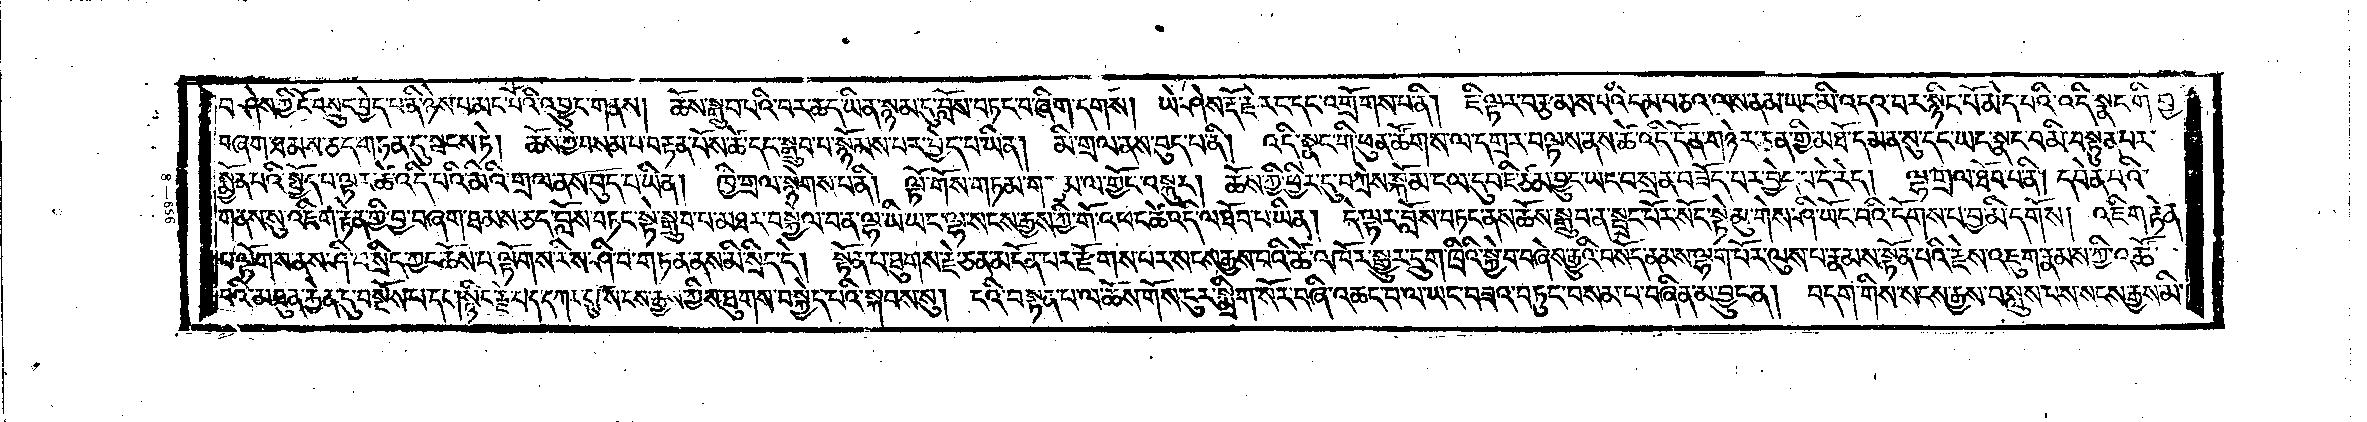བཤེས་ཀྱི་ངོ་བསྲུང་བྱེད་པ་ནི་ཉེས་པ་མང་པོའི་འབྱུང་གནས། ཆོས་སྒྲུབ་པའི་བར་ཆད་ཡིན་སྙམ་དུ་བློས་བཏང་བ་ཞིག་དགོས། ཡེ་ཤེས་རྡོ་རྗེ་རང་དང་འགྲོགས་པ་ནི། ཇི་ལྟར་བརྩམས་པའི་དམ་བཅའ་ལས་ནམ་ཡང་མི་འདའ་བར་སྙིང་པོ་མེད་པའི་འདི་སྣང་གི་བྱ་
བཞག་ཐམས་ཅད་གཏན་དུ་སྤངས་ཏེ། ཆོས་ཀྱི་བསམ་པ་བརྟན་པོས་ཚེ་དང་སྒྲུབ་པ་སྙོམས་པར་བྱེད་པ་ཡིན། མི་གྲལ་ནས་བུད་པ་ནི། འདི་སྣང་གི་ཕུན་ཚོགས་ལ་དགྲར་བལྟས་ནས་ཚེ་འདི་དོན་གཉེར་ཅན་གྱི་མཐོ་དམན་སུ་དང་ཡང་སྣང་བ་མི་བསྟུན་པར་
སྨྱོན་པའི་སྤྱོད་པ་ལྟར་ཚེ་འདི་པའི་མིའི་གྲལ་ནས་བུད་པ་ཡིན། ཁྱི་གྲལ་སྙེགས་པ་ནི། ལྟོ་གོས་གཏམ་གསུམ་ལ་གྱོང་བསྐུར། ཆོས་ཀྱི་ཕྱིར་དུ་བཀྲེས་སྐོམ་ངལ་དུབ་ཇི་ཙམ་བྱུང་ཡང་བསྲན་བཟོད་པར་བྱེད་པ་དེ་རེད། ལྷ་གྲལ་ཐོབ་པ་ནི། དབེན་པའི་
གནས་སུ་འཇིག་རྟེན་གྱི་བྱ་བཞག་ཐམས་ཅད་བློས་བཏང་སྟེ་སྒྲུབ་པ་མཐར་བསྐྱེལ་བ་ན་ལྷ་ཡི་ཡང་ལྷ་སངས་རྒྱས་ཀྱི་གོ་འཕང་ཚེ་འདི་ལ་ཐོབ་པ་ཡིན། དེ་ལྟར་བློས་བཏང་ནས་ཆོས་སྒྲུབ་ན་སྤྲང་པོར་སོང་སྟེ་མུ་གེས་ཤི་ཡོང་བའི་དོགས་པ་བྱ་མི་དགོས། འཇིག་རྟེན་
པ་ལྟོགས་ནས་ཤི་བ་སྲིད་ཀྱང་ཆོས་པ་ལྟོགས་རིས་ཤི་བ་གཏན་ནས་མི་སྲིད་དེ། སྟོན་པ་ཐུགས་རྗེ་ཅན་མངོན་པར་རྫོགས་པར་སངས་རྒྱས་པའི་ཚེ་འཁོར་སྒྱུར་དྲུག་ཁྲིའི་སྐྱེ་བ་བཞེས་རྒྱུའི་བསོད་ནམས་ལྷག་པོར་ལུས་པ་རྣམས་སྟོན་པའི་རྗེས་འཇུག་རྣམས་ཀྱི་འཚོ་
བའི་མཐུན་རྐྱེན་དུ་བསྔོས་པ་དང་། སྙིང་རྗེ་པད་དཀར་དུ། སངས་རྒྱས་ཀྱིས་ཐུགས་བསྐྱེད་པའི་སྐབས་སུ། ངའི་བསྟན་པ་ལ་ཆོས་གོས་ངུར་སྨྲིག་སོར་བཞི་འཆང་བ་ལ་ཡང་བཟའ་བཏུང་བསམ་པ་བཞིན་མ་བྱུང་ན། བདག་གིས་སངས་རྒྱས་བསླུས་པས་སངས་རྒྱས་མི་